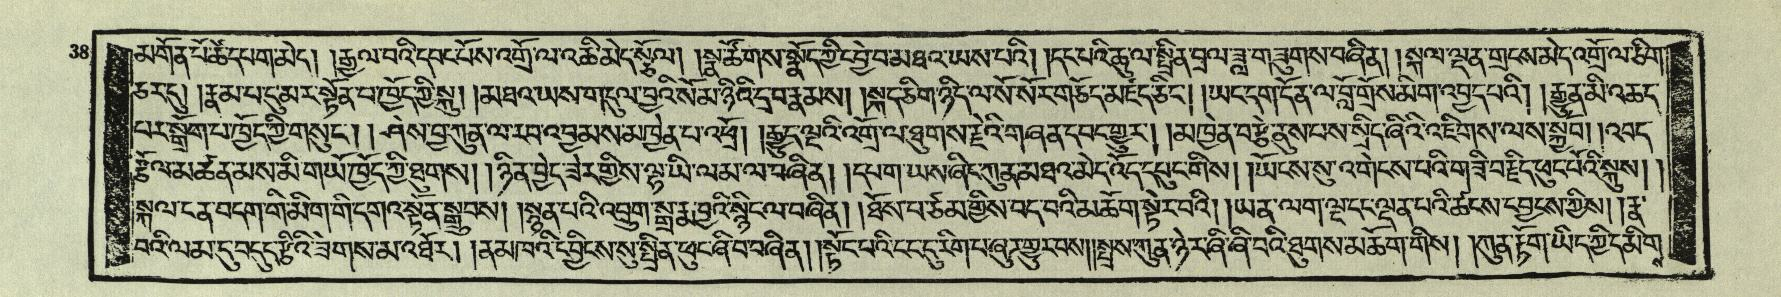མགོན་པོ་ཚེ་དཔག་མེད། །རྒྱལ་བའི་དབང་པོས་འགྲོ་ལ་འཆི་མེད་སྩོལ། །སྣ་ཚོགས་སྣོད་ཀྱི་དབྱེ་བ་མཐའ་ཡས་པའི། །དང་པའི་ཆུ་ལ་སྤྲིན་བྲལ་ཟླ་གཟུགས་བཞིན། །སྐལ་ལྡན་གྲངས་མེད་འགྲོ་ལ་ཅིག་
ཅར་དུ། །རྣམ་པ་དུ་མར་སྟོན་པ་ཁྱོད་ཀྱི་སྐུ། །མཐའ་ཡས་གདུལ་བྱའི་སོ་མ་ཉིའི་དྲ་བ་རྣམས། །སྐད་ཅིག་ཉིད་ལ་སོ་སོར་གཅོད་མཛད་ཅིང་། །ཡང་དག་དོན་ལ་བློ་གྲོས་མིག་འབྱད་པའི། །རྒྱུན་མི་འཆད་
པར་སྒྲོག་པ་ཁྱོད་ཀྱི་གསུང་། །ཤེས་བྱ་ཀུན་ལ་རབ་འབྱམས་མཁྱེན་པ་འཕྲོ། །རྒྱུད་ལྔའི་འགྲོ་ལ་ཐུགས་རྗེའི་གཞན་དབང་གྱུར། །མཁྱེན་བརྩེ་ནུས་པས་སྲིད་ཞིའི་འཇིགས་ལས་སྐྱོབ། །འབད་
རྩོལ་མཚན་མས་མི་གཡོ་ཁྱོད་ཀྱི་ཐུགས། །ཉིན་བྱེད་ཟེར་གྱིས་ལྷ་ཡི་ལམ་ལ་བཞིན། །དཔག་ཡས་ཞིང་ཀུན་མཐའ་མེད་འོད་དཔུང་གིས། །ཡོངས་སུ་འགེངས་པའི་གཟི་བརྗིད་ཕུང་པོའི་སྐུས། །
སྐལ་ངན་བདག་གི་མིག་གི་དགའ་སྟོན་སྒྲུབས། །སྙན་པའི་འབྲུག་སྒྲ་རྨ་བྱའི་སྙིང་ལ་བཞིན། །ཐོས་པ་ཙམ་གྱིས་བད་བའི་མཆོག་སྟེར་བའི། །ཡན་ལག་ལྔ་དང་ལྡན་པའི་ཚངས་དབྱངས་ཀྱིས། །རྣ་
བའི་ལམ་དུ་བདུད་རྩིའི་ཟེགས་མ་འཐོར། །ནམཁའི་དབྱིངས་སུ་སྤྲིན་ཕུང་ཞི་བ་བཞིན། །སྟོང་པའི་ངང་དུ་རིག་པ་ཞུཌ་གྱུར་བས། །སྤྲས་ཀུན་ཉེར་ཞི་ཞི་བའི་ཐུགས་མཆོག་གིས། །ཀུན་རྟོག་ཡིད་ཀྱི་དམིགས་